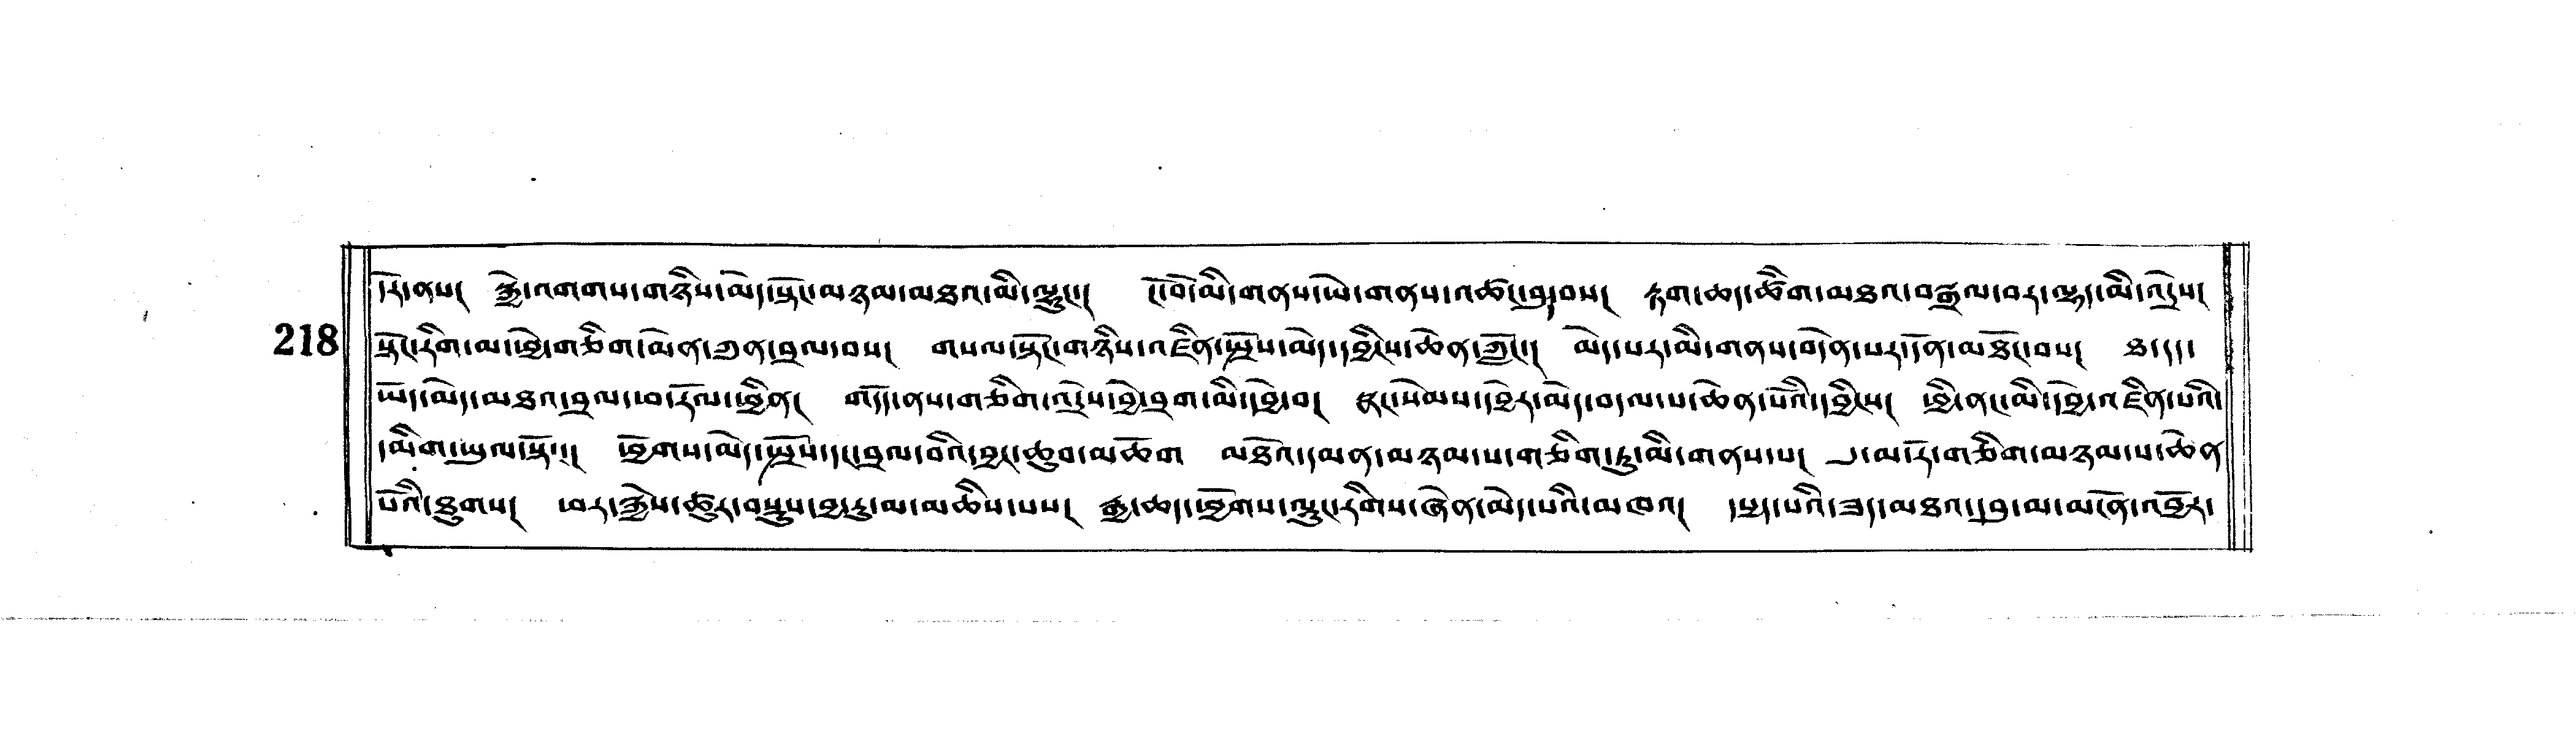དོར་ནས། སྐྱེ་འགག་གཉིས་མེད་སྟོང་མཉམ་མཐའ་མི་ལྷུང་། ངོ་བོ་མི་གནས་ཡེ་གནས་འཚང་བུད་པས། རྟག་ཆད་ཚིག་མཐའ་བྲལ་བར་ལྷད་མི་འདྲེས། 
སྟོང་རིག་མ་ཕྱེ་གཅིག་མེན་ཀུན་བྲལ་བས། གསལ་སྟོང་གཉིས་འཛིན་སྤྲོས་མེད་དབྱིངས་ཆེན་ཀློང་། མེད་པར་མི་གནས་བདེན་པར་དོན་མཐོང་བས། ཐ་དད་
ཡོད་མེད་མཐའ་བྲལ་ཕ་རོལ་ཕྱིན། གདོད་ནས་གཅིག་འདྲེས་བྱེ་བྲག་མི་དབྱེ་བས། སྣང་སེམས་དབྱེར་མེད་བདལ་པ་ཆེན་པོའི་དབྱིངས། ཕྱི་ནང་མི་དབྱེ་འཛིན་པའི་
དམིགས་ཡུལ་སྟོང་། ཕྱོགས་མེད་སྤྲོས་དང་བྲལ་བའི་བྱང་ཆུབ་མཆོག། མཐོ་དམན་མཉམ་པ་གཅིག་ཏུ་མི་གནས་པ། དུ་མ་རོ་གཅིག་མཉམ་པ་ཆེན་
པོའི་ཐུགས། ཕར་སྐྱེས་ཚུར་བསྡུས་བྱ་རུ་མ་མཆིས་པས། རྒྱ་ཆད་ཕྱོགས་ལྷུང་རིགས་ཞེན་མེད་པའི་མཁའ། དཔྱད་པའི་ཟད་མཐའ་དབུ་མ་མངོན་འབྱོར་